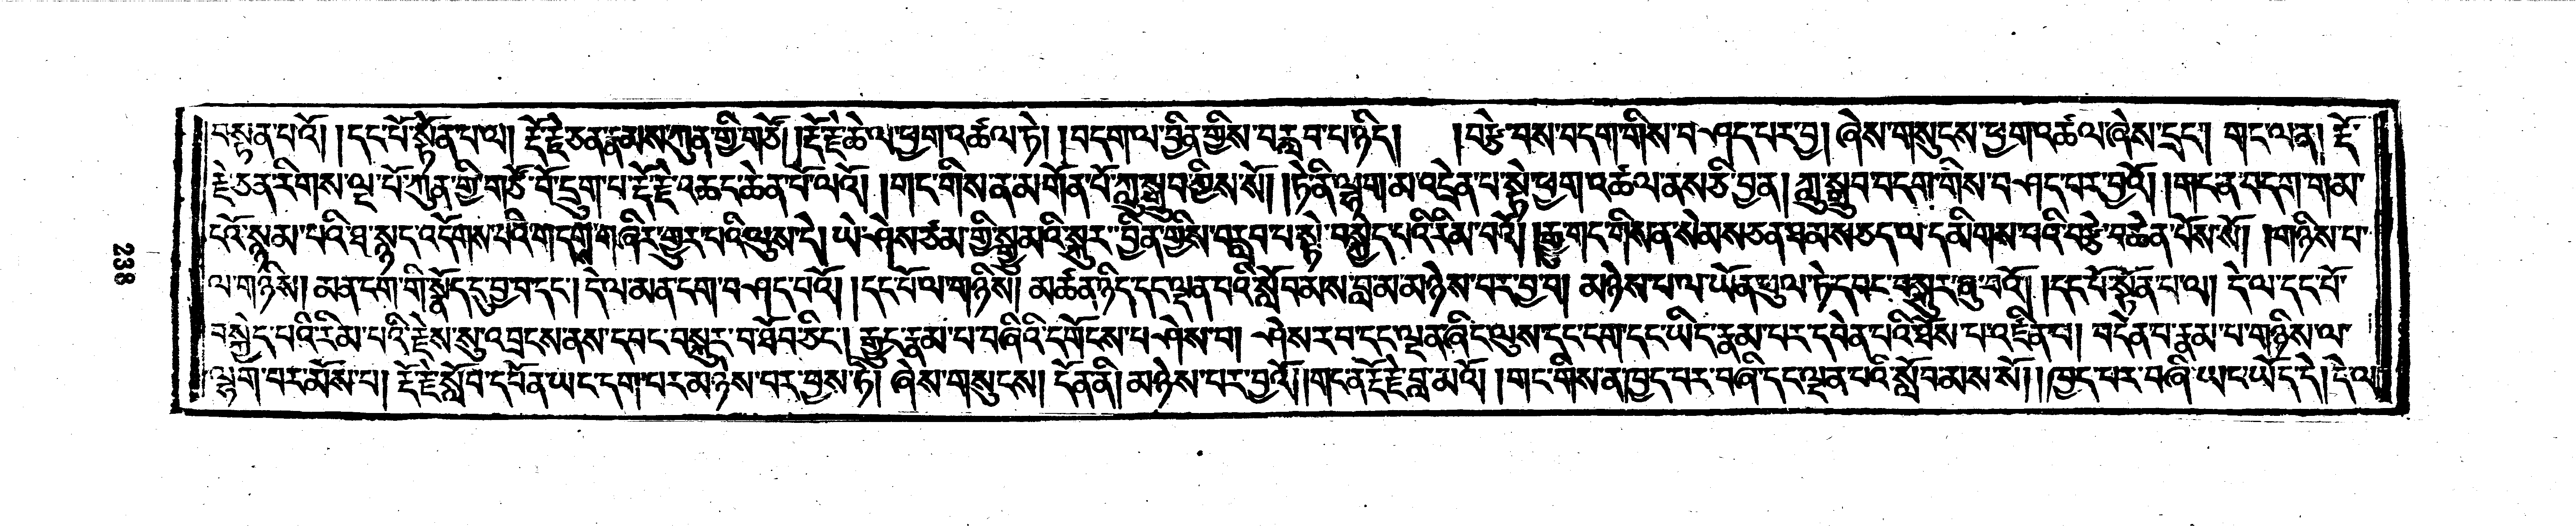བསྟན་པའོ། །དང་པོ་སྟོན་པ་ལ། རྡོ་རྗེ་ཅན་རྣམས་ཀུན་གྱི་གཙོ། །རྡོ་རྗེ་ཆེ་ལ་ཕྱག་འཚལ་ཏེ། །བདག་ལ་བྱིན་གྱིས་བརླབ་པ་ཉིད། །བརྩེ་བས་བདག་གིས་བཤད་པར་བྱ། ཞེས་གསུངས་ཕྱག་འཚལ་ཞེས་དྲང་། གང་ལ་ན། རྡོ་
རྗེ་ཅན་རིགས་ལྔ་པོ་ཀུན་གྱི་གཙོ་བོ་དྲུག་པ་རྡོ་རྗེ་འཆང་ཆེན་པོ་ལའོ། །གང་གིས་ན་མགོན་པོ་ཀླུ་སྒྲུབ་ཀྱིས་སོ། །ཏེ་ནི་ལྷག་མ་འདྲེན་པ་སྟེ་ཕྱག་འཚལ་ནས་ཅི་བྱ་ན། ཀླུ་སྒྲུབ་བདག་གིས་བཤད་པར་བྱའོ། །གང་ན་བདག་གམ་
ངའོ་སྙམ་པའི་ཐ་སྙད་འདོགས་པའི་གདགས་གཞིར་གྱུར་པའི་ལུས་དེ། ཡེ་ཤེས་ཙམ་གྱི་སྒྱུ་མའི་སྐུར་བྱིན་གྱིས་བརླབ་པ་སྟེ་བསྐྱེད་པའི་རིམ་པའོ། །རྒྱུ་གང་གིས་ན་སེམས་ཅན་ཐམས་ཅད་ལ་དམིགས་པའི་བརྩེ་བ་ཆེན་པོས་སོ། །གཉིས་པ་
ལ་གཉིས། མན་ངག་གི་སྣོད་དུ་བྱ་བ་དང་། དེ་ལ་མན་ངག་བཤད་པའོ། །དང་པོ་ལ་གཉིས། མཚན་ཉིད་དང་ལྡན་པའི་སློབ་མས་བླ་མ་མཉེས་པར་བྱ་བ། མཉེས་པ་ལ་ཡོན་ཕུལ་ཏེ་དབང་བསྐུར་ཞུ་བའོ། །དང་པོ་སྟོན་པ་ལ། དེ་ལ་དང་པོ་
བསྐྱེད་པའི་རིམ་པའི་རྗེས་སུ་འབྲངས་ནས་དབང་བསྐུར་བ་ཐོབ་ཅིང་། རྒྱུད་རྣམ་པ་བཞིའི་དགོངས་པ་ཤེས་པ། ཤེས་རབ་དང་ལྡན་ཞིང་ལུས་དང་ངག་དང་ཡིད་རྣམ་པར་དབེན་པའི་ཐོས་པ་འཛིན་པ། བདེན་པ་རྣམ་པ་གཉིས་ལ་
ལྷག་པར་མོས་པ། རྡོ་རྗེ་སློབ་དཔོན་ཡང་དག་པར་མཉེས་པར་བྱས་ཏེ། ཞེས་གསུངས། དོན་ནི། མཉེས་པར་བྱའོ། །གང་ན་རྡོ་རྗེ་བླ་མའོ། །གང་གིས་ན་ཁྱད་པར་བཞི་དང་ལྡན་པའི་སློབ་མས་སོ། །ཁྱད་པར་བཞི་ཡང་ཡོད་དེ། དེ་ལ་